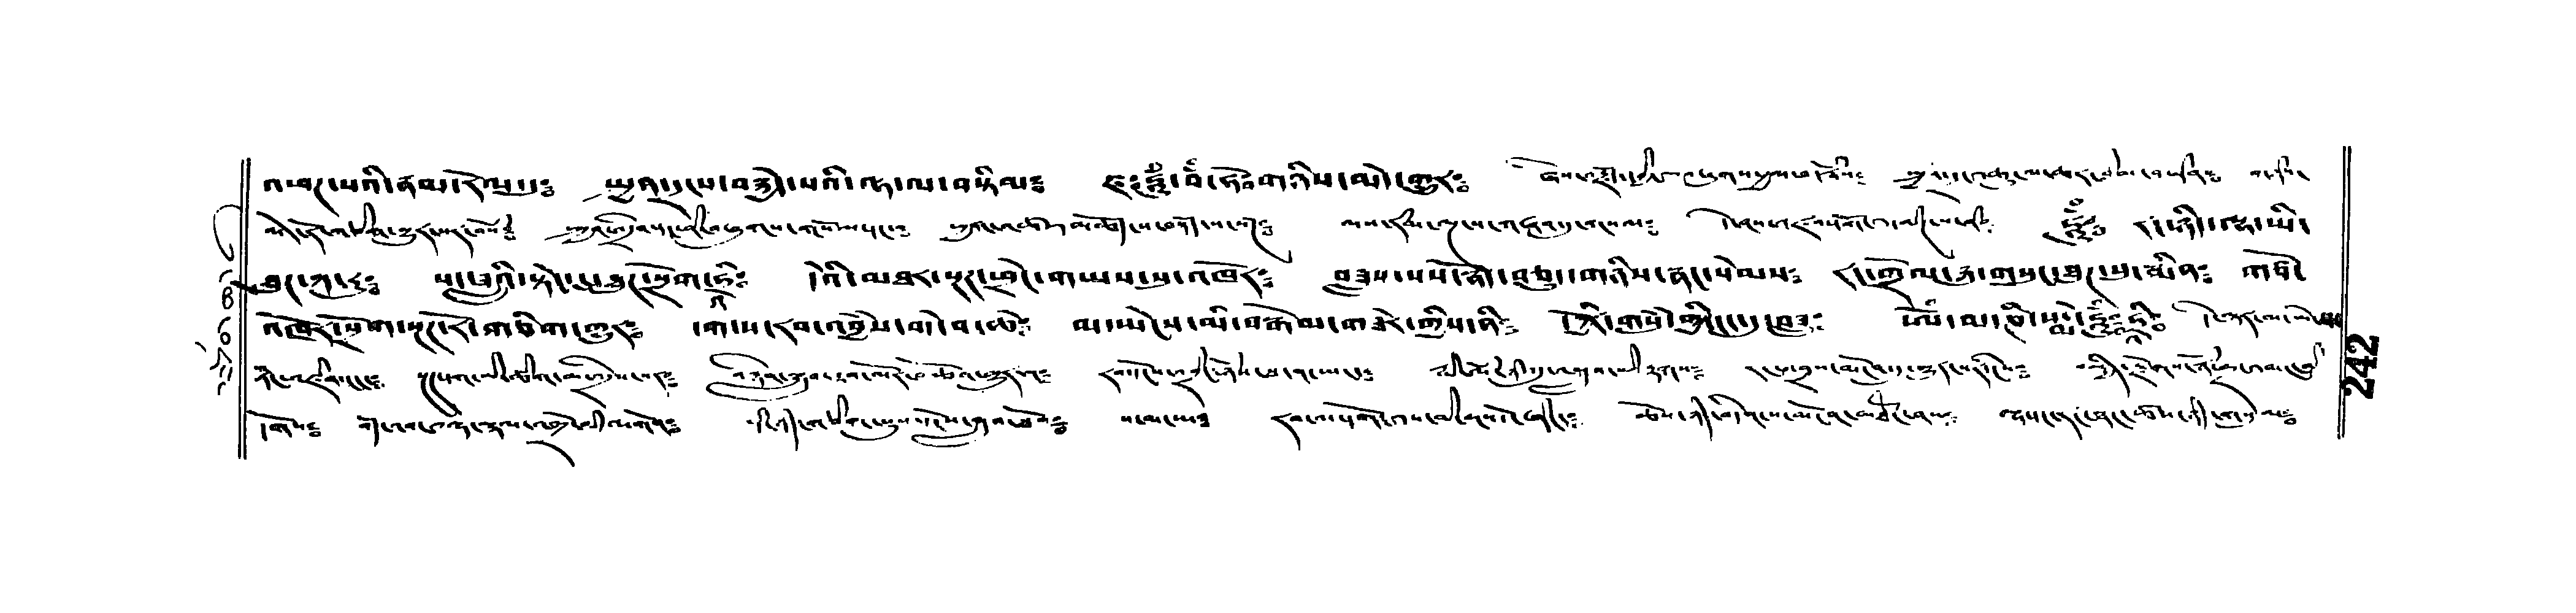འཕགས་པའི་རྣམ་རོལ་དུ༔ སྤྱན་དྲངས་བསྐྱེད་པའི་ལྷ་ལ་བསྟིམ༔ ཛཿཧཱུྃ་བྃ་ཧོཿགཉིས་མེད་གྱུར༔ ཞེས་བརྗོད་དབྱིངས་བཞུགས་རྒྱལ་བ་རྣམས༔ སྤྱན་དྲངས་ཆུ་ལ་ཆར་ཐིམ་བཞིན༔ གཉིས་
མེད་རོ་གཅིག་གྱུར་པར་བསམ༔ སྤྱན་འདྲེན་དང་ནི་བཞུགས་གསོལ་དང༔ ཕྱག་འཚལ་མཆོད་པ་བསྟོད་པ་སོགས༔ ལས་རིམ་ལྔ་པ་གཞན་དུ་གསལ༔ དེ་ནས་འཛབ་དགོངས་དམིགས་པ་ནི༔ ཧཱུྃ༔ རང་ཉིད་ལྷ་ཡི་
ཐུགས་ཀ་རུ༔ པད་ཟླའི་སྟེང་དུ་ཐུགས་སྲོག་ཧྲཱིཿ དེའི་མཐར་སྔགས་ཕྲེང་གཡས་སུ་འཁོར༔ བཟླས་པས་སྣོད་བཅུད་གཉིས་སྣང་སེམས༔ རང་གྲོལ་སྐུ་གསུང་ཐུགས་སུ་སྨིན༔ གཙོ་
འཁོར་སྲོག་སྔགས་རོ་གཅིག་གྱུར༔ དག་པ་རབ་འབྱམས་བདེ་བ་ཆེ༔ མ་ཡེངས་མི་སྒོམ་གཟེར་གྱིས་ནི༔ དཀྱིལ་འཁོར་གསུམ་གྱི་ངང་དུ་བཟླ༔ ཨོཾ་མ་ཎི་པདྨེ་ཧཱུྃ་ཧྲཱིཿ དེ་ལྟར་མ་ཡེངས་
ཏིང་འཛིན་ངང༔ སྔགས་དག་མི་ཚིག་མ་འདྲེས་པར༔ སྙེན་སྒྲུབ་ཟབ་མོར་བརྩོན་གྱུར་ན༔ རབ་དངོས་འབྲིང་ཉམས་ཐ་ན་ཡང༔ རྨི་ལམ་ཉིད་དུ་འགྲུབ་པའི་རྟགས༔ རང་འབྲས་མངོན་དུ་གྱུར་པར་ངེས༔ བསྐྱེད་རྫོགས་རྣམ་གྲངས་མང་མི་
དགོས༔ བོད་འབངས་ལྷ་སྐལ་འགྲོ་བའི་མགོན༔ འདི་ཉིད་གཅིག་པུས་དངོས་གྲུབ་ཐོབ༔ ས་མ་ཡ༔ རབ་ལ་དགོངས་པ་མི་གཡོ་ཞིང༔ ཆོས་ཉིད་བདེན་པ་མངོན་མཐོང་ནས༔ ལྷ་དང་རང་སྣང་ཆོས་ཉིད་གསུམ༔